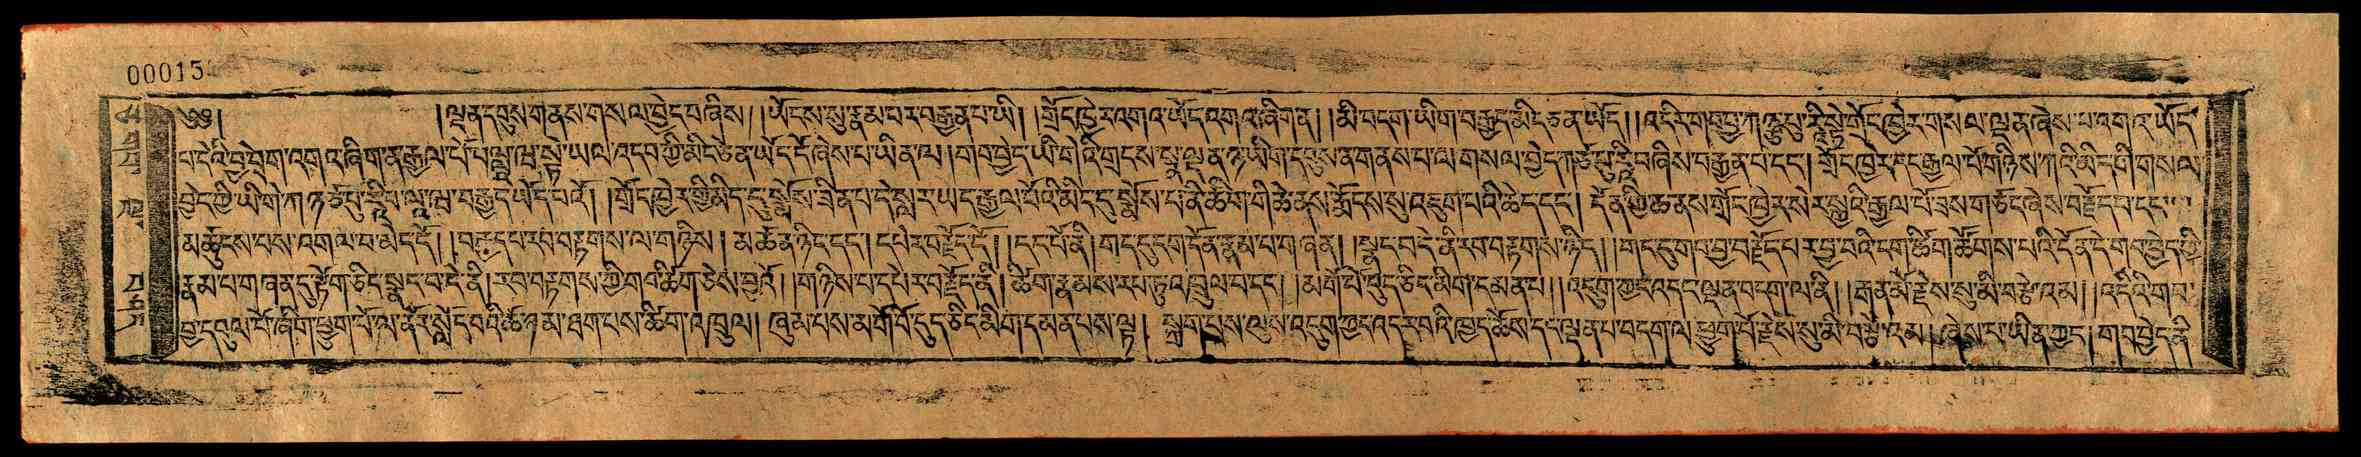༄༅། །ལྡན་དབུས་གནས་གསལ་བྱེད་བཞིས། །ཡོངས་སུ་རྣམ་པར་བརྒྱན་པ་ཡི། །གྲོང་ཁྱེར་འགའ་ཡོད་འགའ་ཞིག་ན། །མི་བདག་ཡིག་བརྒྱད་མིང་ཅན་ཡོད། །འདིར་གབ་བྱ་ཀ་ཉྩ་པུ་རི་སྟེ་གྲོང་ཁྱེར་གསལ་ལྡན་ཞེས་པ་འགའ་ཡོད་
པ་དེའི་བྱེ་བྲག་འགའ་ཞིག་ན་རྒྱལ་པོ་པལླཱ་ཝ་སྟེ་ཡལ་འདབ་ཀྱི་མིང་ཅན་ཡོད་དོ་ཞེས་པ་ཡིན་ལ། གབ་བྱེད་ཡི་གེའི་གྲངས་སྣ་ལྡན་ཉ་ཡིག་དབུས་ན་གནས་པ་ལ་གསལ་བྱེད་ཀ་ཙ་པུ་རཱི་བཞིས་བརྒྱན་པ་དང་། གྲོང་ཁྱེར་དང་རྒྱལ་པོ་གཉིས་ཀའི་མིང་གི་གསལ་
བྱེད་ཀྱི་ཡི་གེ་ཀ་ཉ་ཙ་པུ་རཱི་པ་ལཱ་ཝ་བརྒྱད་ཡོད་པའོ། །གྲོང་ཁྱེར་གྱི་མིང་དུ་སྨོས་ཟིན་པ་དེ་སླར་ཡང་རྒྱལ་པོའི་མིང་དུ་སྨོས་པ་ནི་ཚིག་གི་ཆ་ནས་རྨོངས་སུ་འཇུག་པའི་ཆེད་དང་། དོན་གྱི་ཆ་ནས་གྲོང་ཁྱེར་ཡིར་སྐྱའི་རྒྱལ་པོ་ཟས་གཙང་ཞེས་བརྗོད་པ་དང་
མཚུངས་པས་འགལ་བ་མེད་དོ། །བརྒྱད་པ་རབ་བརྟགས་ལ་གཉིས། མཚན་ཉིད་དང་། དཔེར་བརྗོད་དོ། །དང་པོ་ནི། གང་དུ་ངག་དོན་རྣམ་པ་གཞན། །སྣང་བ་དེ་ནི་རབ་བརྟགས་ཉིད། །གང་དུ་གབ་བྱ་བརྗོད་པར་བྱ་བའི་ངག་ཚིག་ཚོགས་པའི་དོན་དེ་གབ་བྱེད་ཀྱི་
རྣམ་པ་གཞན་དུ་རྟོག་ཅིང་སྣང་བ་དེ་ནི། རབ་བརྟགས་ཀྱི་གབ་ཚིག་ཅེས་བྱའོ། །གཉིས་པ་དཔེར་བརྗོད་ནི། ཚིག་རྣམས་རབ་ཏུ་འཁྲུལ་བ་དང་། །མགོ་བོ་དུང་ཅིང་མིག་དམན་པ། །འདུག་ཀྱང་འདང་ལྡན་བདག་ལ་ནི། །རྒན་མོ་རྗེས་སུ་མི་བརྩེའམ། །འདིའི་གབ་
བྱ་དབུལ་པོ་ཞིག་ཕྱུག་པོ་ལ་ནོར་སློང་བའི་ཚེ་ཉམ་ཐག་པས་ཚིག་འཁྲུལ། ཞུམ་པས་མགོ་བོ་དུད་ཅིང་མིག་དམན་པས་ལྟ། སྐྲག་པས་ལུས་འདུག་ཀྱང་འདར་བའི་ཁྱད་ཆོས་དང་ལྡན་པ་བདག་ལ་ཕྱུག་པོ་རྗེས་སུ་མི་བརྩའམ། ཞེས་པ་ཡིན་ཀྱང་། གབ་བྱེད་ནི་